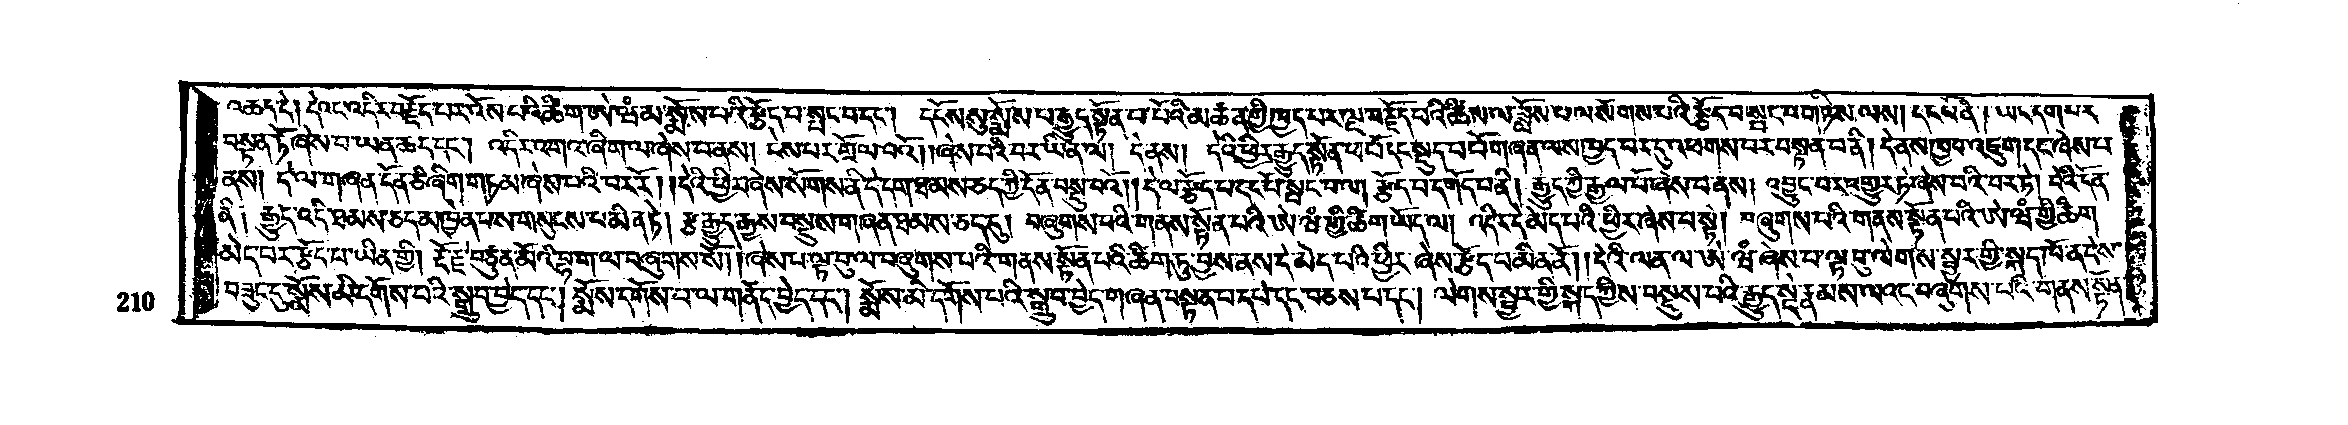འཆད་དེ། དེའང་འདིར་བརྗོད་པར་འོས་པའི་ཚིག་ཨེ་ཝཾ་མ་སྨོས་པའི་རྩོད་པ་སྤང་བ་དང་། དངོས་སུ་སྨོས་པ་རྒྱུད་སྟོན་པ་པོའི་མཚན་གྱི་ཁྱད་པར་ལྔ་བརྗོད་པའི་ཚིག་ལ་ཟློས་པ་ལ་སོགས་པའི་རྩོད་པ་སྤང་བ་གཉིས་ལས། དང་པོ་ནི། ཡང་དག་པར་
བསྟན་ཏོ་ཞེས་པ་ཡན་ཆད་དང་། འདིར་འགའ་ཞིག་ལ་ཞེས་པ་ནས། ངེས་པར་གྲོལ་བའོ། །ཞེས་པའི་བར་ཡིན་ལ། དེ་ནས། དེའི་ཕྱིར་རྒྱུད་སྟོན་པ་པོ་དང་སྡུད་པ་པོ་གཞན་ལས་ཁྱད་པར་དུ་འཕགས་པར་བསྟན་པ་ནི། དེ་ནས་ཁྱབ་འཇུག་དང་ཞེས་པ་
ནས། དེ་ལ་གཞན་དོན་ཅི་ཞིག་གཏམ་ཞེས་པའི་བར་རོ། །དེའི་ཕྱིར་ཞེས་སོགས་ནི་དེ་དག་ཐམས་ཅད་ཀྱི་དོན་བསྡུ་བའོ། །དེ་ལ་རྩོད་པ་དང་པོ་སྤང་བ་ལ། རྩོད་པ་དགོད་པ་ནི། རྒྱུད་ཀྱི་རྒྱལ་པོ་ཞེས་པ་ནས། འབྱུང་བར་འགྱུར་ཏེ་ཞེས་པའི་བར་ཏེ། དེའི་དོན་
ནི། རྒྱུད་འདི་ཐམས་ཅད་མཁྱེན་པས་གསུངས་པ་མིན་ཏེ། རྩ་རྒྱུད་རྒྱས་བསྡུས་གཞན་ཐམས་ཅད་དུ། བཞུགས་པའི་གནས་སྟོན་པའི་ཨེ་ཝཾ་གྱི་ཚིག་ཡོད་ལ། འདིར་དེ་མེད་པའི་ཕྱིར་ཞེས་པ་སྟེ། བཞུགས་པའི་གནས་སྟོན་པའི་ཨེ་ཝཾ་གྱི་ཚིག་
མེད་པར་རྩོད་པ་ཡིན་གྱི། རྡོ་རྗེ་བཙུན་མོའི་བྷ་ག་ལ་བཞུགས་སོ། །ཞེས་པ་ལྟ་བུ་ལ་བཞུགས་པའི་གནས་སྟོན་པའི་ཚིག་ཏུ་བྱས་ནས་དེ་མེད་པའི་ཕྱིར་ཞེས་རྩོད་པ་མིན་ནོ། །དེའི་ལན་ལ་ཨེ་ཝཾ་ཞེས་པ་ལྟ་བུ་ལེགས་སྦྱར་གྱི་སྐད་ཁོ་ན་ངེས་
བཟུང་དུ་སྨོས་མི་དགོས་པའི་སྒྲུབ་བྱེད་དང་། སྨོས་དགོས་པ་ལ་གནོད་བྱེད་དང་། སྨོས་མི་དགོས་པའི་སྒྲུབ་བྱེད་གཞན་བསྟན་པ་དཔེ་དང་བཅས་པ་དང་། ལེགས་སྦྱར་གྱི་སྐད་ཀྱིས་བསྡུས་པའི་རྒྱུད་སྡེ་རྣམས་ལའང་བཞུགས་པའི་གནས་སྟོན་